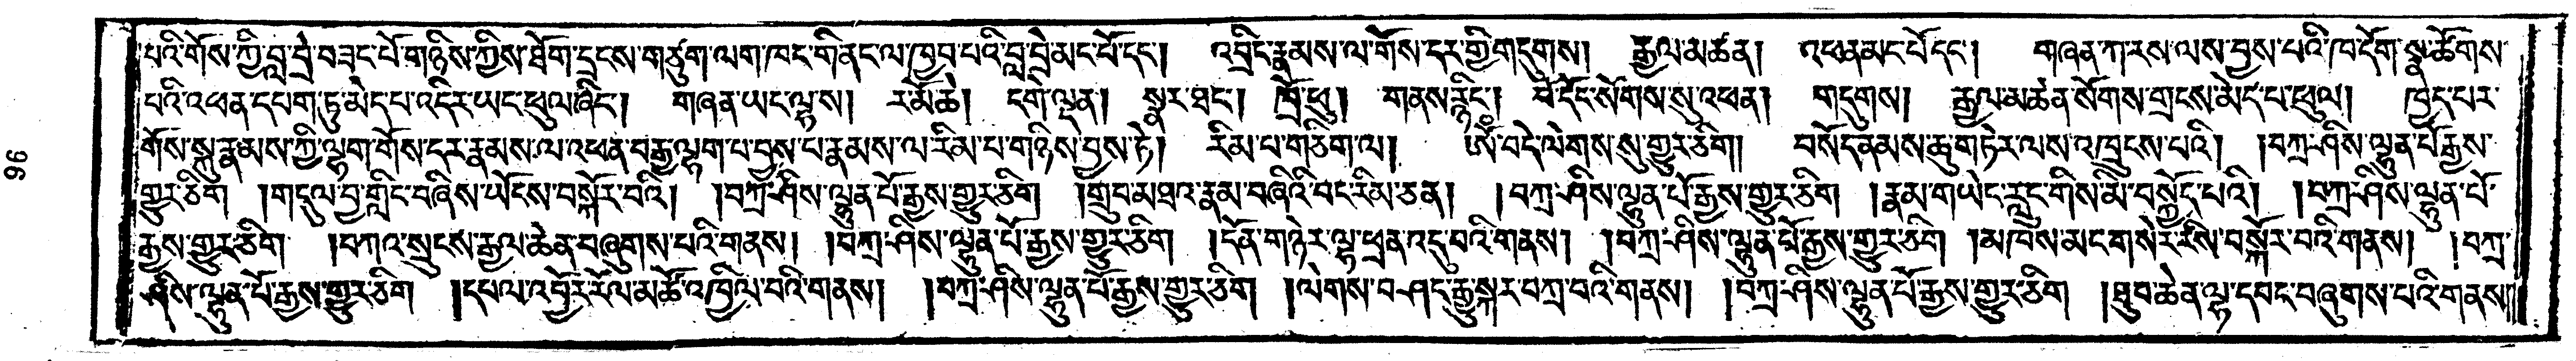པའི་གོས་ཀྱི་བླ་བྲེ་བཟང་པོ་གཉིས་ཀྱིས་ཐོག་དྲངས་གཙུག་ལག་ཁང་གི་ནང་ལ་ཁྱབ་པའི་བླ་བྲེ་མང་པོ་དང་། འབྲིང་རྣམས་ལ་གོས་དར་གྱི་གདུགས། རྒྱལ་མཚན། འཕན་མང་པོ་དང་། གཞན་ཀ་རས་ལས་བྱས་པའི་ཁ་དོག་སྣ་ཚོགས་
པའི་འཕན་དཔག་ཏུ་མེད་པ་འདིར་ཡང་ཕུལ་ཞིང་། གཞན་ཡང་ལྷས། ར་མོ་ཆེ། དགེ་ལྡན། སྣར་ཐང་། ཁྲོ་ཕུལ། གནས་རྙིང་། བོ་དོང་སོགས་སུ་འཕན། གདུགས། རྒྱལ་མཚན་སོགས་གྲངས་མེད་པ་ཕུལ། ཁྱད་པར་
གོས་སྐུ་རྣམས་ཀྱི་ལྷག་གོས་དར་རྣམས་ལ་འཕན་བརྒྱ་ལྷག་པ་བྱས་པ་རྣམས་ལ་རིམ་པ་གཉིས་བྱས་ཏེ། རིམ་པ་གཅིག་ལ། ཨོཾ་བདེ་ལེགས་སུ་གྱུར་ཅིག། བསོད་ནམས་ཆུ་གཏེར་ལས་འཁྲུངས་པའི། །བཀྲ་ཤིས་ལྷུན་པོ་རྒྱས་
གྱུར་ཅིག །གདུལ་བྱ་གླིང་བཞིས་ཡོངས་བསྐོར་བའི། །བཀྲ་ཤིས་ལྷུན་པོ་རྒྱས་གྱུར་ཅིག །གྲུབ་མཐའ་རྣམ་བཞིའི་བང་རིམ་ཅན། །བཀྲ་ཤིས་ལྷུན་པོ་རྒྱས་གྱུར་ཅིག །རྣམ་གཡེང་རླུང་གིས་མི་བསྐྱོད་པའི། །བཀྲ་ཤིས་ལྷུན་པོ་
རྒྱས་གྱུར་ཅིག །བཀའ་སྲུངས་རྒྱལ་ཆེན་བཞུགས་པའི་གནས། །བཀྲ་ཤིས་ལྷུན་པོ་རྒྱས་གྱུར་ཅིག །དོན་གཉེར་ལྷ་ཕྲན་འདུ་བའི་གནས། །བཀྲ་ཤིས་ལྷུན་པོ་རྒྱས་གྱུར་ཅིག །མཁས་མང་གསེར་རིས་བསྐོར་བའི་གནས། །བཀྲ་
ཤིས་ལྷུན་པོ་རྒྱས་གྱུར་ཅིག །དཔལ་འབྱོར་རོལ་མཚོ་འཁྱིལ་བའི་གནས། །བཀྲ་ཤིས་ལྷུན་པོ་རྒྱས་གྱུར་ཅིག །ལེགས་བཤད་རྒྱུ་སྐར་བཀྲ་བའི་གནས། །བཀྲ་ཤིས་ལྷུན་པོ་རྒྱས་གྱུར་ཅིག །ཐུབ་ཆེན་ལྷ་དབང་བཞུགས་པའི་གནས།